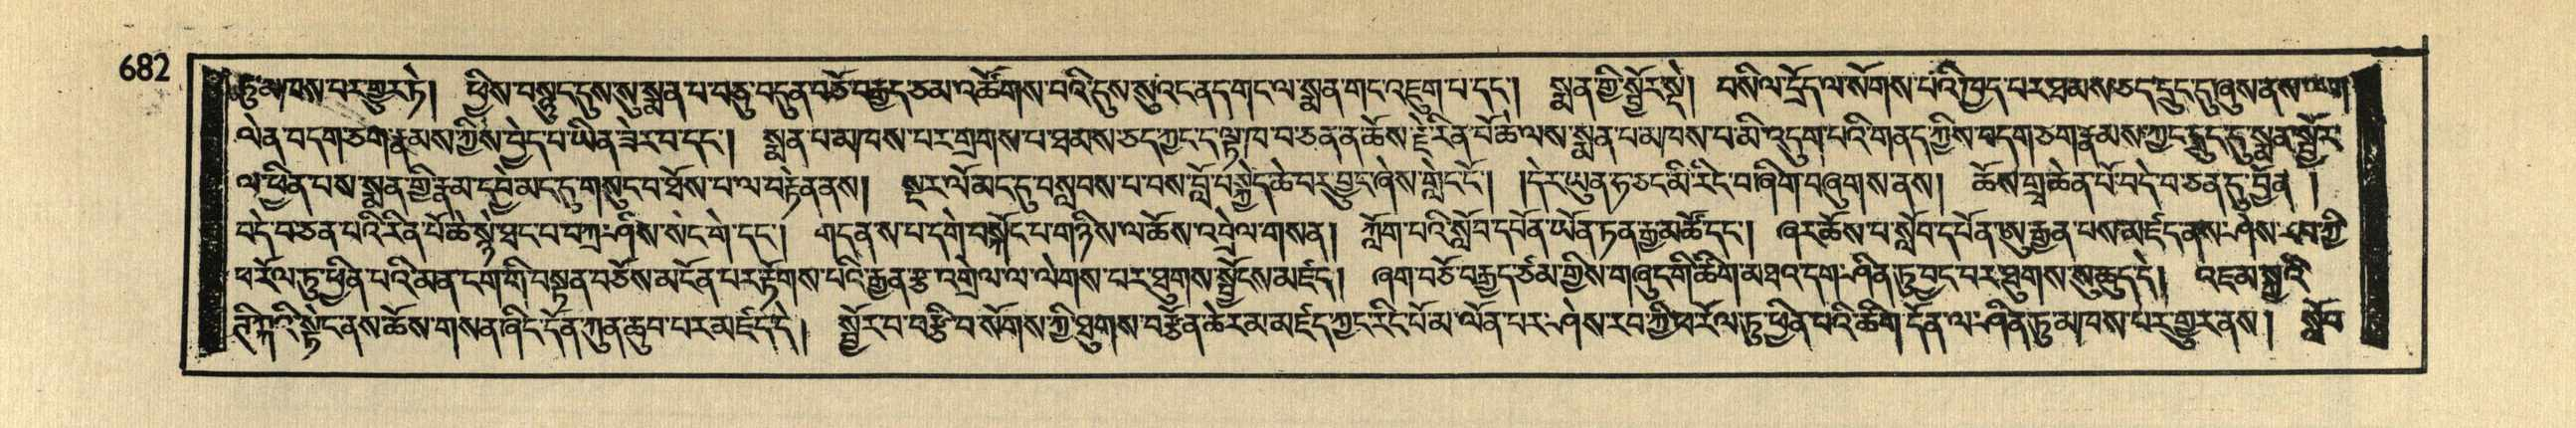ཏུ་མཁས་པར་གྱུར་ཏེ། ཕྱིས་བསྙུང་དུས་སུ་སྨན་པ་བཅུ་བདུན་བཅོ་བརྒྱད་ཙམ་འཚོགས་བའི་དུས་སུའང་ནད་གང་ལ་སྨན་གང་འཇུག་པ་དང་། སྨན་གྱི་སྦྱོར་སྡེ། བསིལ་དྲོད་ལ་སོགས་པའི་ཁྱད་པར་ཐམས་ཅད་དྲུང་དུ་ཞུས་ནས་ལག་
ལེན་བདག་ཅག་རྣམས་ཀྱིས་བྱེད་པ་ཡིན་ཟེར་བ་དང་། སྨན་པ་མཁས་པར་གྲགས་པ་ཐམས་ཅད་ཀྱང་ད་ལྟ་ཁ་བ་ཅན་ན་ཆོས་རྗེ་རིན་པོ་ཆེ་ལས་སྨན་པ་མཁས་པ་མི་འདུག་པའི་གནད་ཀྱིས་བདག་ཅག་རྣམས་ཀྱང་དྲུང་དུ་སྨན་སྦྱོར་
ལ་ཕྱིན་པས་སྨན་གྱི་རྣམ་དབྱེ་མང་དུ་གསུང་བ་ཐོས་པ་ལ་བརྟེན་ནས། སྔར་ལོ་མང་དུ་བསླབས་པ་བས་བློ་བསྐྱེད་ཆེ་བར་བྱུང་ཞེས་གླེང་ངོ། །དེར་ཡུན་ཧ་ཅང་མི་རིང་བ་ཞིག་བཞུགས་ནས། ཆོས་གྲྭ་ཆེན་པོ་བདེ་བ་ཅན་དུ་བྱོན། །
བདེ་བ་ཅན་པའི་རིན་པོ་ཆེ་སྙེ་ཐང་པ་བཀྲ་ཤིས་སེང་གེ་དང་། གདན་ས་པ་དགེ་བསྐོང་པ་གཉིས་ལ་ཆོས་འབྲེལ་གསན། ཀློག་པའི་སློབ་དཔོན་ཡོན་ཏན་རྒྱ་མཚོ་དང་། ཞར་ཆོས་པ་སློབ་དཔོན་ཨུ་རྒྱན་པས་མཛད་ནས་ཤེས་རབ་ཀྱི་
ཕ་རོལ་ཏུ་ཕྱིན་པའི་མན་ངག་གི་བསྟན་བཅོས་མངོན་པར་རྟོགས་པའི་རྒྱན་རྩ་འགྲེལ་ལ་ལེགས་པར་ཐུགས་སྦྱོངས་མཛད། ཞག་བཅོ་བརྒྱད་ཙམ་གྱིས་གཞུང་གི་ཚིག་མཐའ་དག་ཤིན་ཏུ་བྱང་བར་ཐུགས་སུ་ཆུད་དེ། འཇམ་སྐྱའི་
ཊིཀྐའི་སྟེང་ནས་ཆོས་གསན་ཞིང་དོན་ཀུན་ཆུབ་པར་མཛད་དེ། སྦྱོར་བ་བརྩི་བ་སོགས་ཀྱི་ཐུགས་བརྩོན་ཆེར་མ་མཛད་ཀྱང་རིང་པོ་མ་ལོན་པར་ཤེས་རབ་ཀྱི་ཕ་རོལ་ཏུ་ཕྱིན་པའི་ཚིག་དོན་ལ་ཤིན་ཏུ་མཁས་པར་གྱུར་ནས། སློབ་